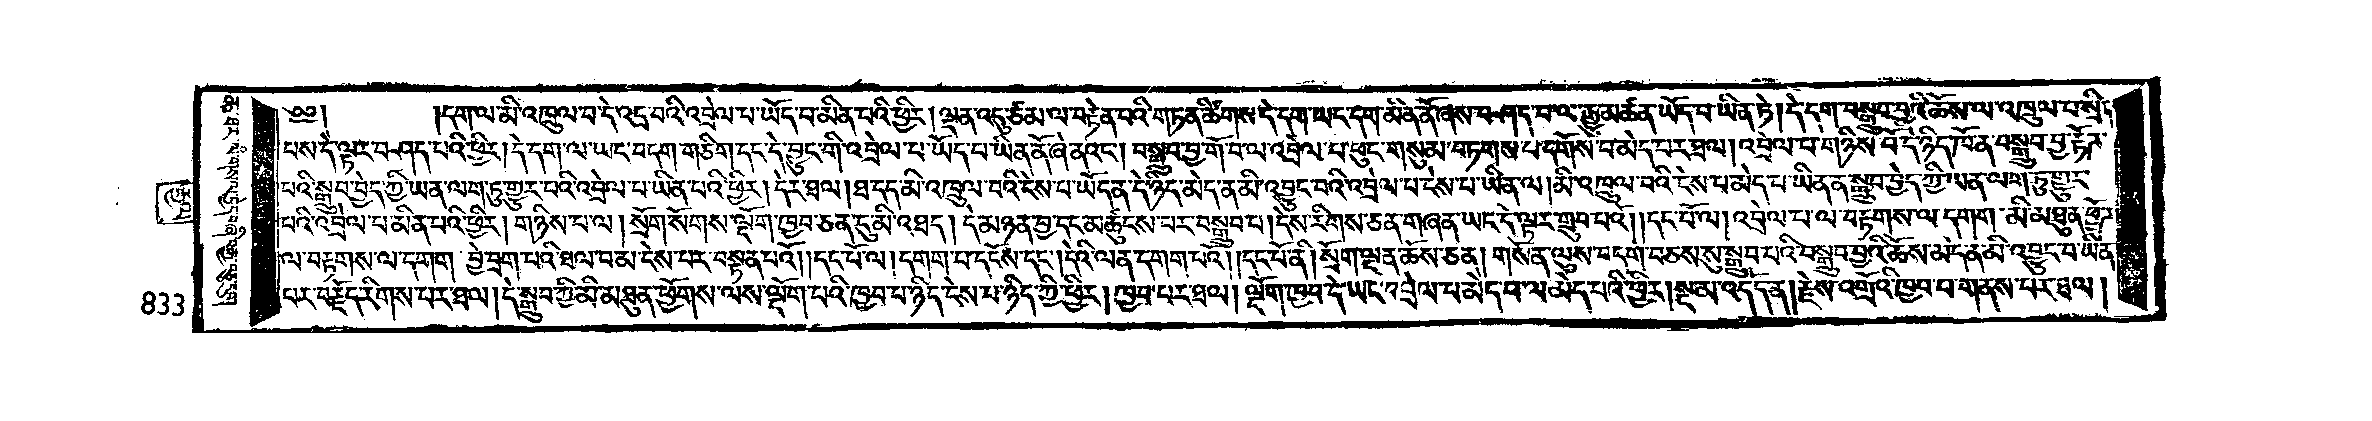༄༅། །དག་ལ་མི་འཁྲུལ་བ་དེ་འདྲ་བའི་འབྲེལ་བ་ཡོད་པ་མིན་པའི་ཕྱིར། ལྡན་འདུ་ཙམ་ལ་བརྟེན་པའི་གཏན་ཚིགས་དེ་དག་ཡང་དག་མིན་ནོ་ཞེས་བཤད་པ་ལ་རྒྱུ་མཚན་ཡོད་པ་ཡིན་ཏེ། དེ་དག་བསྒྲུབ་བྱའི་ཆོས་ལ་འཁྲུལ་བ་སྲིད་
པས་དེ་ལྟར་བཤད་པའི་ཕྱིར། དེ་དག་ལ་ཡང་བདག་གཅིག་དང་དེ་བྱུང་གི་འབྲེལ་བ་ཡོད་པ་ཡིན་ནོ་ཞེ་ནའང་། བསྒྲུབ་བྱ་གོ་བ་ལ་འབྲེལ་བ་ཕུང་གསུམ་བཏགས་པ་དགོས་པ་མེད་པར་ཐལ། འབྲེལ་བ་གཉིས་པོ་དེ་ཉིད་ཁོ་ན་བསྒྲུབ་བྱ་རྟོཌ་
པའི་སྒྲུབ་བྱེད་ཀྱི་ཡན་ལག་ཏུ་གྱུར་བའི་འབྲེལ་བ་ཡིན་པའི་ཕྱིར། དེར་ཐལ། ཐ་དད་མི་འཁྲུལ་བའི་ངེས་པ་ཡོད་ན་དེ་ཉིད་མེད་ན་མི་འབྱུང་བའི་འབྲེལ་བ་ངེས་པ་ཡིན་ལ། མི་འཁྲུལ་བའི་ངེས་པ་མེད་པ་ཡིན་ན་སྒྲུབ་བྱེད་ཀྱི་ཡན་ལག་ཏུ་གྱུར་
པའི་འབྲེལ་བ་མིན་པའི་ཕྱིར། གཉིས་པ་ལ། སྲོག་སོགས་ལྡོག་ཁྱབ་ཅན་དུ་མི་འཐད། དེ་མཉན་བྱ་དང་མཚུངས་པར་བསྒྲུབ་པ། དེས་རིགས་ཅན་གཞན་ཡང་དེ་ལྟར་གྲུབ་པའོ། །དང་པོ་ལ། འབྲེལ་བ་ལ་བརྟགས་ལ་དགག་མི་མཐུན་ཕྱོཌ་
ལ་བརྟགས་ལ་དགག་བྱེ་བྲག་པའི་ཐལ་བ་མ་ངེས་པར་བསྟན་པའོ། །དང་པོ་ལ། དགག་པ་དངོས་དང་། དེའི་ལན་དགག་པའོ། །དང་པོ་ནི། སྲོག་ལྡན་ཆོས་ཅན། གསོན་ལུས་བདག་བཅས་སུ་སྒྲུབ་པའི་བསྒྲུབ་བྱའི་ཆོས་མེད་ན་མི་འབྱུང་བ་ཡིན་
པར་བརྗོད་རིགས་པར་ཐལ། དེ་སྒྲུབ་ཀྱི་མི་མཐུན་ཕྱོགས་ལས་ལྡོག་པའི་ཁྱབ་པ་ཉིད་ངེས་པ་ཉིད་ཀྱི་ཕྱིར། ཁྱབ་པར་ཐལ། ལྡོག་ཁྱབ་དེ་ཡང་འབྲེལ་བ་མེད་པ་ལ་མེད་པའི་ཕྱིར། སྔ་མ་འདོད་ན། རྗེས་འགྲོའི་ཁྱབ་པ་གནས་པར་ཐལ།